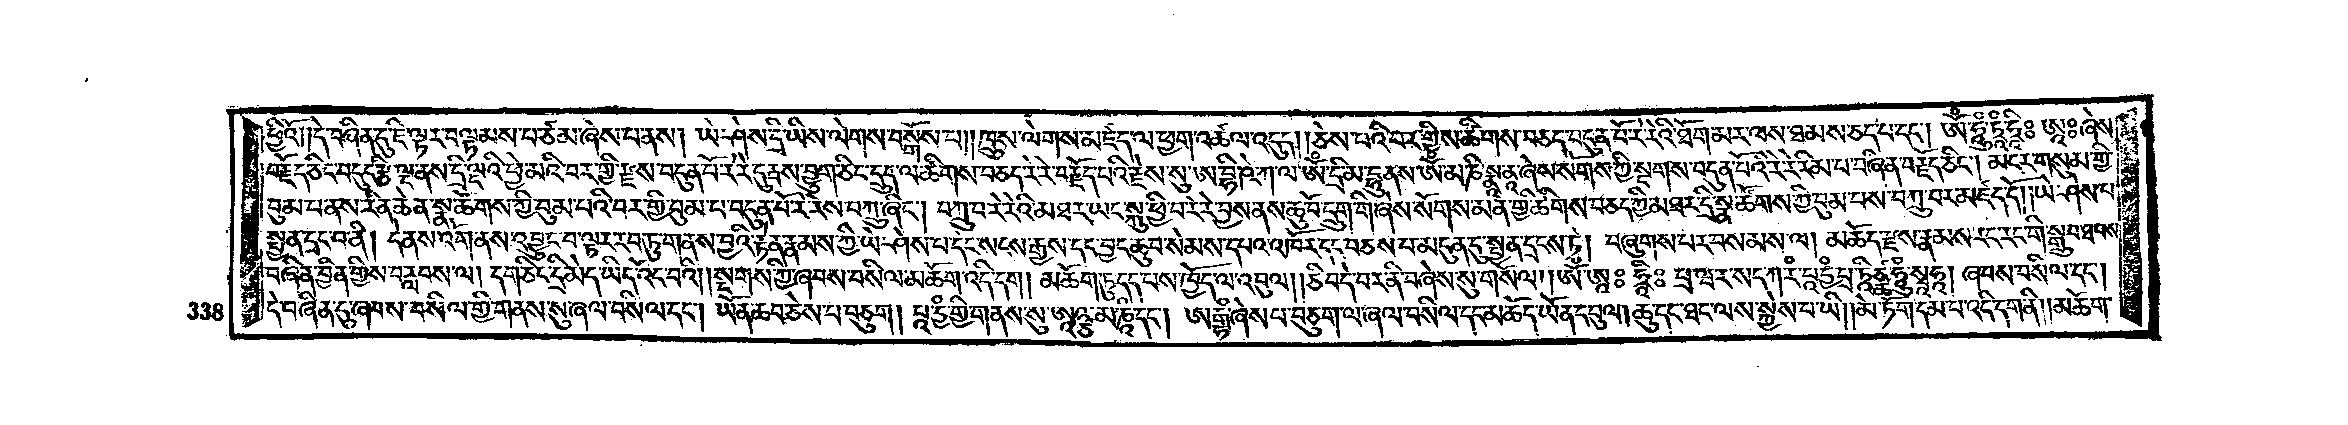ཕྱིའོ། །དེ་བཞིན་དུ་ཇི་ལྟར་བལྟམས་པ་ཙམ་ཞེས་པ་ནས། ཡེ་ཤེས་དྲི་ཡིས་ལེགས་བསྒོས་པ། །ཁྲུས་ལེགས་མཛད་ལ་ཕྱག་འཚལ་འདུད། །ཅེས་པའི་བར་གྱིས་ཚིགས་བཅད་བདུན་པོ་རེ་རེའི་ཐོག་མར་ལས་ཐམས་ཅད་པ་དང་། ཨོཾ་ཧཱུཾ་ཏརའཾ་ཧྲཱིཿ ཨཱཿ ཞེས་
བརྗོད་ཅིང་བདུད་རྩི་ལྔ་ནས་དྲི་ལྔའི་ཕྱི་མའི་བར་གྱི་རྫས་བདུན་པོ་རེ་རེ་དུ་རྦས་བྱུག་ཅིང་དྲུད་ལ་ཚིགས་བཅད་རེ་རེ་བརྗོད་པའི་རྗེས་སུ་ཨ་བྷི་ཥེ་ཀ་ལ་ཨོཾ་དྲི་མ་དྷུ་ནས་ཨོཾ་མ་ཎི་སྣཱ་ནཱ་ཞེས་སོགས་ཀྱི་སྔགས་བདུན་པོའི་རེ་རེ་རིམ་པ་བཞིན་བརྗོད་ཅིང་། མངར་གསུམ་གྱི་
བུམ་པ་ནས་རིན་ཆེན་སྣ་ཚོགས་ཀྱི་བུམ་པའི་བར་གྱི་བུམ་པ་བདུན་པོ་རེ་རེས་བཀྲུ་ཞིང་། བཀྲུ་བ་རེ་རེའི་མཐར་ཡང་སྐུ་ཕྱི་བ་རེ་རེ་བྱས་ནས་ཆུ་བོ་དྲུག་གི་ཞེས་སོགས་མན་གྱི་ཚིགས་བཅད་ཀྱི་མཐར་དྲི་སྣ་ཚོགས་ཀྱི་བུམ་པས་བཀྲུ་བར་མཛད་དོ། །ཡེ་ཤེས་པ་
སྤྱན་དྲང་བ་ནི། དེ་ནས་འོག་ནས་འབྱུང་བ་ལྟར་རབ་ཏུ་གནས་བྱའི་རྟེན་རྣམས་ཀྱི་ཡེ་ཤེས་པ་དང་སངས་རྒྱས་དང་བྱང་ཆུབ་སེམས་དཔའ་འཁོར་དང་བཅས་པ་མདུན་དུ་སྤྱན་དྲངས་ཏེ། བཞུགས་པར་བསམས་ལ། མཆོད་རྫས་རྣམས་རང་རང་གི་སྒྲུབ་ཐབས་
བཞིན་བྱིན་གྱིས་བརླབས་ལ། དག་ཅིང་དྲི་མེད་ཡིད་འོང་བའི། །སྔགས་ཀྱི་ཞབས་བསིལ་མཆོག་འདི་དག །མཆོག་ཏུ་དད་པས་ཁྱེད་ལ་འབུལ། །ཅི་བདེ་བར་ནི་བཞེས་སུ་གསོལ། །ཨོཾ་ཨཱཿ ཧྲཱིཿ པྲ་ཝ་ར་སད་ཀ་རཾ་པཱདཡཾ་པྲ་ཏཱི་ཙྪ་ཧཱུཾ་སྭཱཧཱ། ཞབས་བསིལ་དང་།
དེ་བཞིན་དུ་ཞབས་བསིལ་གྱི་གནས་སུ་ཞལ་བསིལ་དང་། ཡོན་ཆབ་ཅེས་པ་བཅུག །པཱ་དཡཾ་གྱི་གནས་སུ་ཨཱཉྩ་མ་ཎའཾ་དང་། ཨརགྷཾ་ཞེས་པ་བཅུག་ལ་ཞལ་བསིལ་དང་མཆོད་ཡོན་དབུལ། ཆུ་དང་ཐང་ལས་སྐྱེས་པ་ཡི། །མེ་ཏོག་དམ་པ་འདི་དག་ནི། །མཆོག་